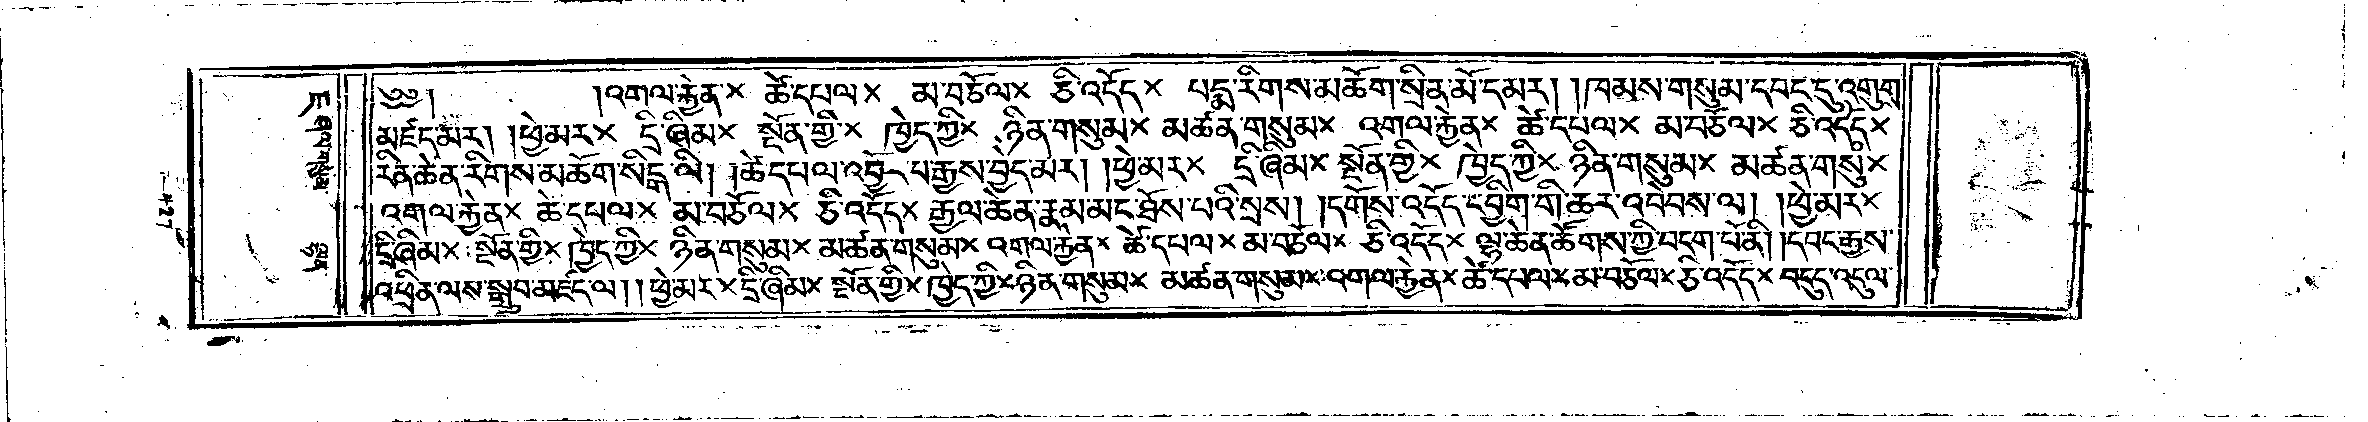༄༅། །འགལ་རྐྱེན་྾་ཚེ་དཔལ་྾་མ་བཅོལ་྾་ཅི་འདོད་྾་པདམ་རིགས་མཆོག་སྲིན་མོ་དམར། །ཁམས་གསུམ་དབང་དུ་འགུགས་མཛད་མར། །ཕྱེ་མར་྾་དྲི་ཞིམ་྾་སྔོན་གྱི་྾་ཁྱེད་ཀྱི་྾་ཉིན་གསུམ་྾་མཚན་གསུམ་྾་འགལ་རྐྱེན་྾་ཚེ་དཔལ་྾་མ་བཅོལ་྾་ཅི་འདོད་྾་
རིན་ཆེན་རིགས་མཆོག་སིངྒ་ལི། །ཚེ་དཔལ་འབྱོར་པ་རྒྱས་བྱེད་མར། །ཕྱེ་མར་྾་དྲི་ཞིམ་྾་སྔོན་གྱི་྾་ཁྱེད་ཀྱི་྾་ཉིན་གསུམ་྾་མཚན་གསུཾ་྾་
འགལ་རྐྱེན་྾་ཚེ་དཔལ་྾་མ་བཅོལ་྾་ཅི་འདོད་྾་རྒྱལ་ཆེན་རྣམ་མང་ཐོས་པའི་སྲས། །དགོས་འདོད་དབྱིག་གི་ཆར་འབེབས་ལ། །ཕྱེ་མར་྾་
དྲི་ཞིམ་྾་སྔོན་གྱི་྾་ཁྱེད་ཀྱི་྾་ཉིན་གསུམ་྾་མཚན་གསུམ་྾་འགལ་རྐྱེན་྾་ཚེ་དཔལ་྾་མ་བཅོལ་྾་ཅི་འདོད་྾་ལྷ་ཆེན་ཚོགས་ཀྱི་བདག་པོ་ནི། །དབང་རྒྱས་
འཕྲིན་ལས་སྒྲུབ་མཛད་ལ། །ཕྱེ་མར་྾་དྲི་ཞིམ་྾་སྔོན་གྱི་྾་ཁྱེད་ཀྱི་྾་ཉིན་གསུམ་྾་མཚན་གསུམ་྾་འགལ་རྐྱེན་྾་ཚེ་དཔལ་྾་མ་བཅོལ་྾་ཅི་འདོད་྾་བདུད་འདུལ་